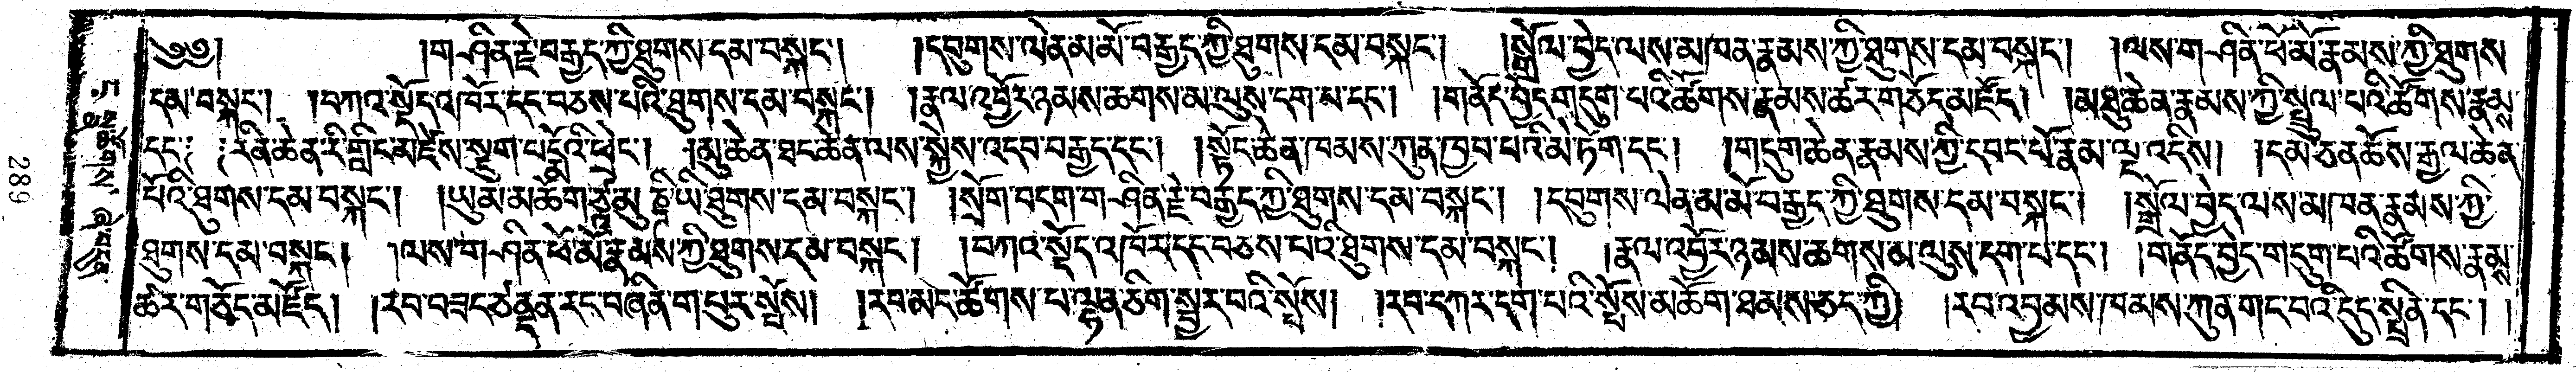༄༅། །གཤིན་རྗེ་བརྒྱད་ཀྱི་ཐུགས་དམ་བསྐང་། །དབུགས་ལེན་མ་མོ་བརྒྱད་ཀྱི་ཐུགས་དམ་བསྐང་། །སྒྲོལ་བྱེད་ལས་མཁན་རྣམས་ཀྱི་ཐུགས་དམ་བསྐང་། །ལས་གཤིན་ཕོ་མོ་རྣམས་ཀྱི་ཐུགས་
དམ་བསྐང་། །བཀའ་སྡོད་འཁོར་དང་བཅས་པའི་ཐུགས་དམ་བསྐང་། །རྣལ་འབྱོར་ཉམས་ཆགས་མ་ལུས་དག་པ་དང་། །གནོད་བྱེད་གདུག་པའི་ཚོགས་རྣམས་ཚར་གཅོད་མཛོད། །མཐུ་ཆེན་རྣམས་ཀྱི་སྤྲུལ་པའི་ཚོགས་རྣམས་
དང༑ ༑རིན་ཆེན་རི་གླིང་མཛེས་སྡུག་པདམོའི་ཕྲེང་། །མུ་ཆེན་ཐང་ཆེན་ལས་སྐྱེས་འདབ་བརྒྱད་དང་། །སྟོང་ཆེན་ཁམས་ཀུན་ཁྱབ་པའི་མེ་ཏོག་དང་། །གདུག་ཆེན་རྣམས་ཀྱི་དབང་པོ་རྣམ་ལྔ་འདིས། །དམ་ཅན་ཆོས་རྒྱལ་ཆེན་
པོའི་ཐུགས་དམ་བསྐང་། །ཡུམ་མཆོག་ཙཱ་མུཎྜི་ཡི་ཐུགས་དམ་བསྐང་། །སྲོག་བདག་གཤིན་རྗེ་བརྒྱད་ཀྱི་ཐུགས་དམ་བསྐང་། །དབུགས་ལེན་མ་མོ་བརྒྱད་ཀྱི་ཐུགས་དམ་བསྐང་། །སྒྲོལ་བྱེད་ལས་མཁན་རྣམས་ཀྱི་
ཐུགས་དམ་བསྐང་། །ལས་གཤིན་ཕོ་མོ་རྣམས་ཀྱི་ཐུགས་དམ་བསྐང་། །བཀའ་སྡོད་འཁོར་དང་བཅས་པའི་ཐུགས་དམ་བསྐང་། །རྣལ་འབྱོར་ཉམས་ཆགས་མ་ལུས་དག་པ་དང་། །གནོད་བྱེད་གདུག་པའི་ཚོགས་རྣམས་
ཚར་གཅོད་མཛོད། །རབ་བཟང་ཙནྡན་རང་བཞིན་ག་པུར་སྦོས། །རབ་མང་ཚོགས་པ་ལྷན་ཅིག་སྦྱར་བའི་སྤོས། །རབ་དཀར་དག་པའི་སྤོས་མཆོག་ཐམས་ཅད་ཀྱི། །རབ་འབྱམས་ཁམས་ཀུན་གང་བའི་དུད་སྤྲིན་དང་། །